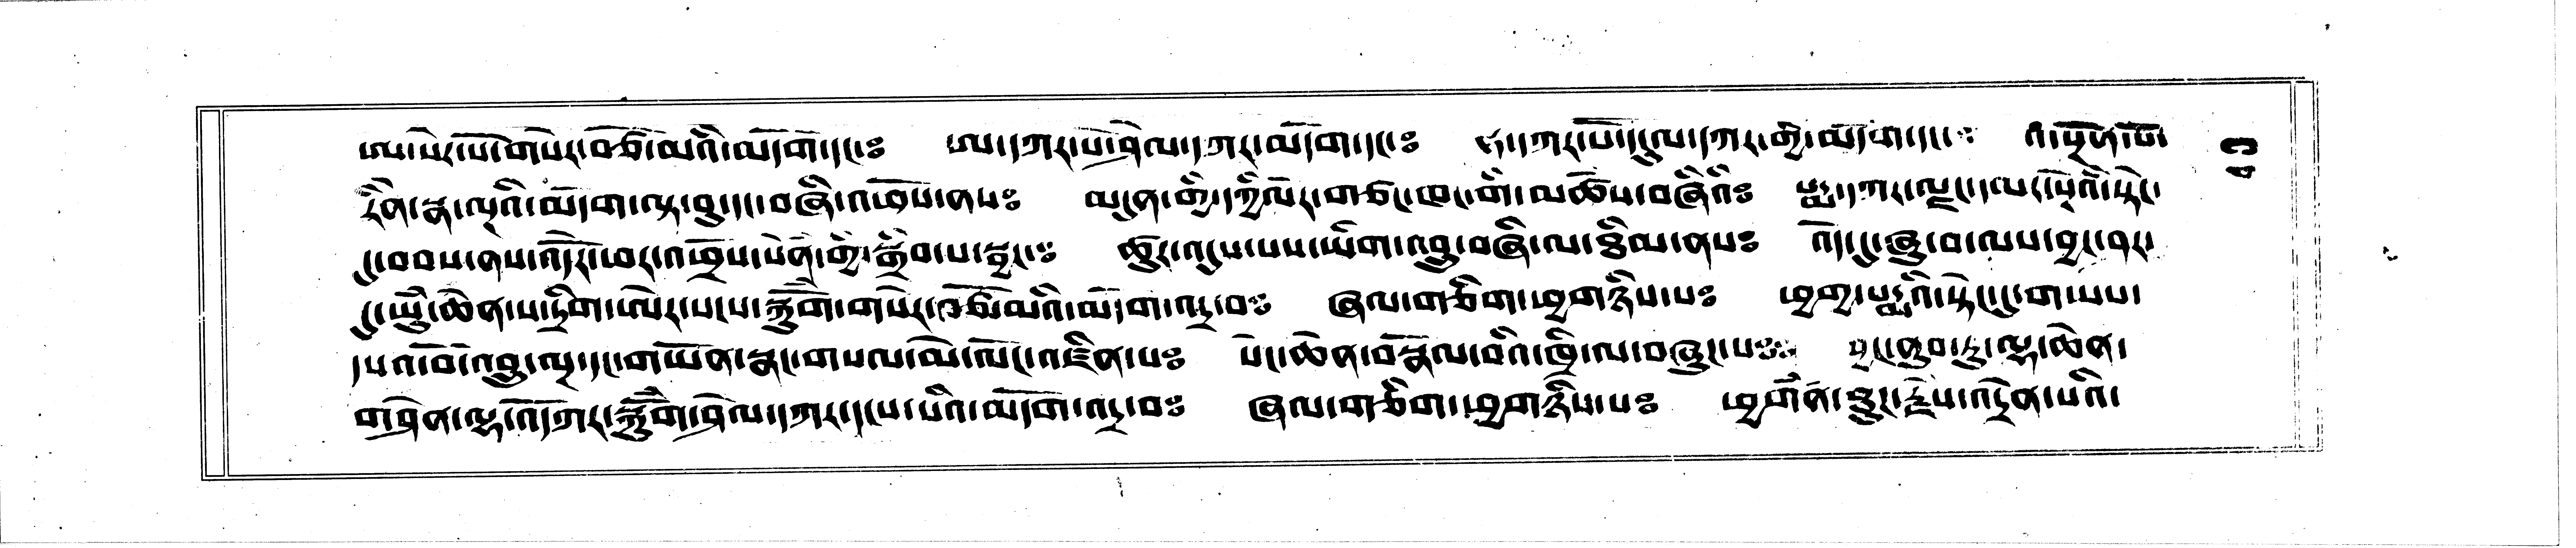ཨ་སེར་པོ་གསེར་བཙོ་མའི་མདོག་དངཿ ཨ་དཀར་པོ་ཤེལ་དཀར་མདོག་དངཿ ཧ་དཀར་པོ་དངུལ་དཀར་གྱི་མདོག་དངཿ འ་སྔོན་པོ་རིན་པོ་
ཆེ་སྣ་ལྔའི་མདོག་ལྟ་བུ་བཞི་འཕྲོས་ནསཿ མདུན་གྱི་དཀྱིལ་འཁོར་གཙང་ཁང་གི་མཚམས་བཞིའིཿ པད་མ་དཀར་ལྗང་དམར་སྔོའི་སྟེང་
དུ་བབས་ནས་འོད་ཟེར་ཕར་འཕྲོས་སེམས་ཅན་གྱི་སྒྲིབ་པ་སྦྱངསཿ ཚུར་འདུས་པས་ཡིག་འབྲུ་བཞི་ལ་ཐིམ་ནས་འོད་དུ་ཞུ་བ་ལསཿ བྱང་ཤར་
དུ་ཡུམ་ཆེན་ས་ཏྲིག་ཨེར་སངས་སྐུ་མདོག་གསེར་བཙོ་མའི་མདོག་འདྲ་བཿ ཞལ་གཅིག་ཕྱག་གཉིས་པཿ ཕྱག་རྒྱ་པད་མའི་སྟེང་དུ་གཡས་
དཔའ་བོ་འབྲུ་ལྔ་དང་གཡོན་སྣང་གསལ་མེ་ལོང་འཛིན་པཿ སེང་ཆེན་བསྣོལ་བའི་ཁྲི་ལ་བཞུགས་པཿ བྱང་ནུབ་ཏུ་ལྷ་ཆེན་
གཤེན་ལྷ་འོད་དཀར་སྐུ་མདོག་ཤེལ་དཀར་དངས་པའི་མདོག་འདྲ་བཿ ཞལ་གཅིག་ཕྱག་གཉིས་པཿ ཕྱག་མཚན་ཐུགས་རྗེས་འདྲེན་པའི་